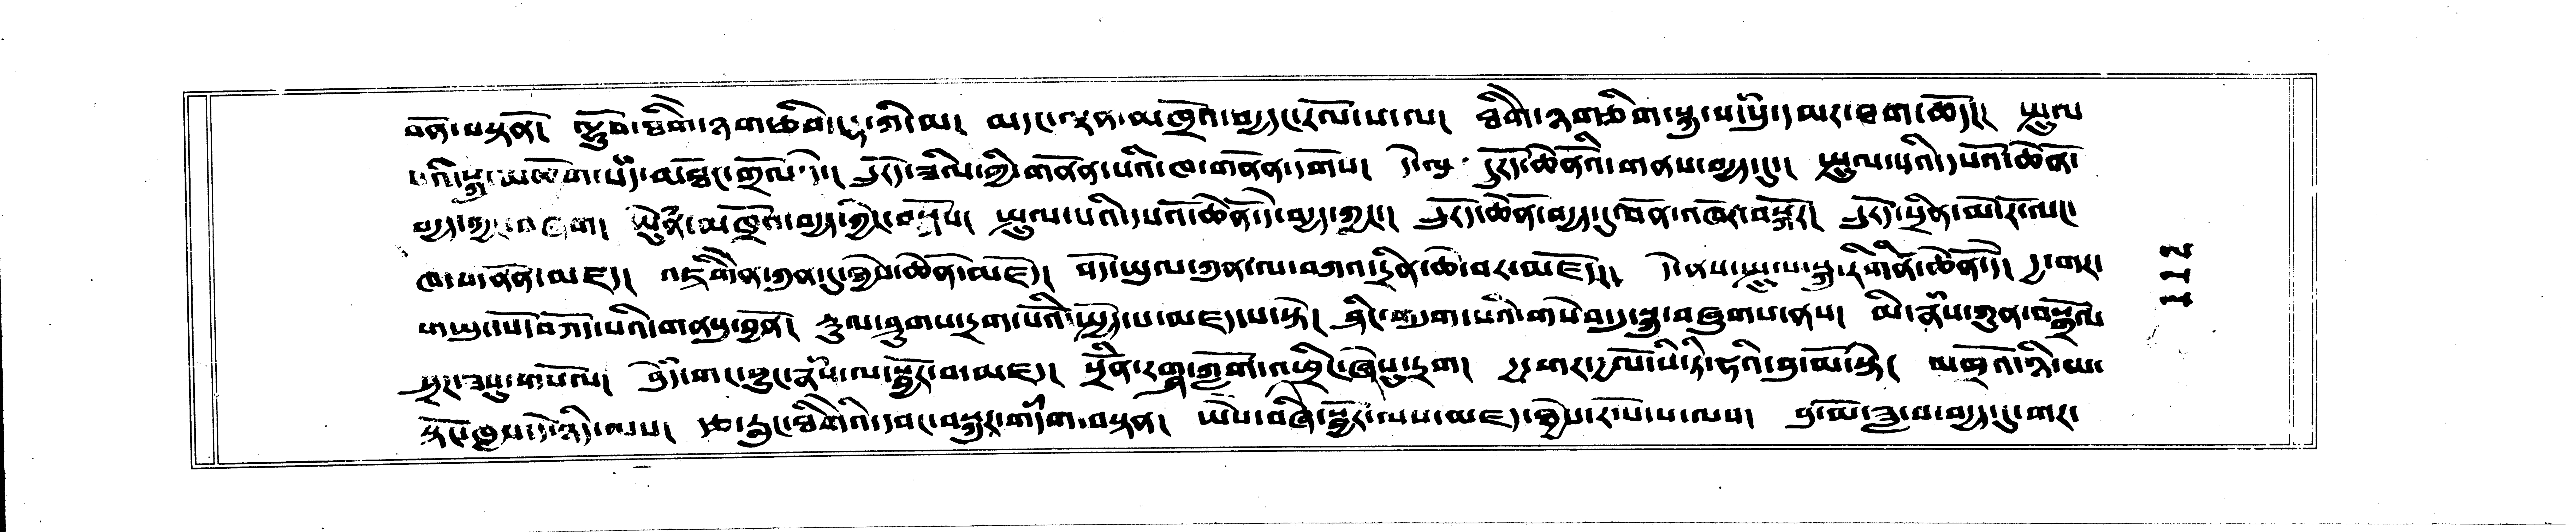བོན་བསྟན་ནོ། ལྷོ་ནུབ་ཐིག་ལེ་ཉག་གཅིག་དྷ་ཀི་མ། མདངས་ལྡན་མཁའ་འགྲོ་བརྒྱད་དང་རོལ་པ་ལ། ཐིག་ལེ་ཉག་གཅིག་སྐུ་གསུམ་དམར་ཐག་ཆོད། སྤྲུལ་
པའི་སྐུ་མཆོག་པད་མ་མཐོང་གྲོལ་དེ། དུར་ཁྲོད་ཟིལ་གྱིས་གནོན་པའི་ཁ་གནོན་དགོས། དེ་ལྟར་དུར་ཁྲོད་ཆེན་པོའི་གནས་བརྒྱད་དུ། སྤྲུལ་པའི་དཔའ་བོ་ཆེན་པོ་
བརྒྱད་ཀྱང་བཞག ཡུམ་ཆེན་མཁའ་འགྲོ་བརྒྱད་ཀྱང་བསྐོས། སྤྲུལ་པའི་དཔའ་བོ་ཆེན་པོ་དེ་བརྒྱད་ཀྱང་། དུར་ཁྲོད་ཆེན་པོ་བརྒྱད་དུ་བོན་འཁོར་བསྐོར། དུར་ཁྲོད་སྲིན་མོ་རོ་ལངས་
ཁ་གནོན་མཛད། འཇིག་རྟེན་ཀུན་ཏུ་ཐུགས་རྗེ་ཆེན་པོ་མཛོད། བོད་ཡུལ་ཀུན་ལ་བཀའ་དྲིན་ཆེ་བར་མཛོད། དེ་ནས་སྤྲུལ་སྐུ་རིག་འཛིན་ཆེན་པོ་དེ། རྒྱ་གར་
གཡུ་ལོ་བཀོད་པའི་གནས་སུ་བྱོན། རྟུལ་ཞུགས་སྤྱོད་པ་མཛད་པ་སྟེ། ཤིང་བཞུགས་པའི་གསེབ་ཏུ་སྐུ་བཞུགས་ནས། མི་རྣམས་ཀུན་སྒྲོལ་
ཤ་ཁྲག་ཟས་སུ་གསོལ། བུད་མེད་གང་བྱུང་རྣམས་ལ་སྦྱོར་བར་མཛད། སྲིན་པོའི་རགྴ་གློག་འཕྲིང་ཞེས་སུ་དྲག རྒྱ་གར་རྒྱལ་པི་ཏི་ཧའི་བུ་མོ་སྟེ། མཁའ་འགྲོ་ཉི་མ་
སྟོང་ཁྱབ་དེ་ཉིད་ལས། རྩ་རླུང་ཐིག་ལེའི་དབང་སྐུར་གདམས་ངག་བསྟན། ཡེ་ཤེས་བཞི་སྦྱོར་ལས་མཛད་ཐུགས་རྗེ་རོལ་པ་ལས། བུ་མོ་ཟླ་བ་བརྒྱད་དུ་གར་